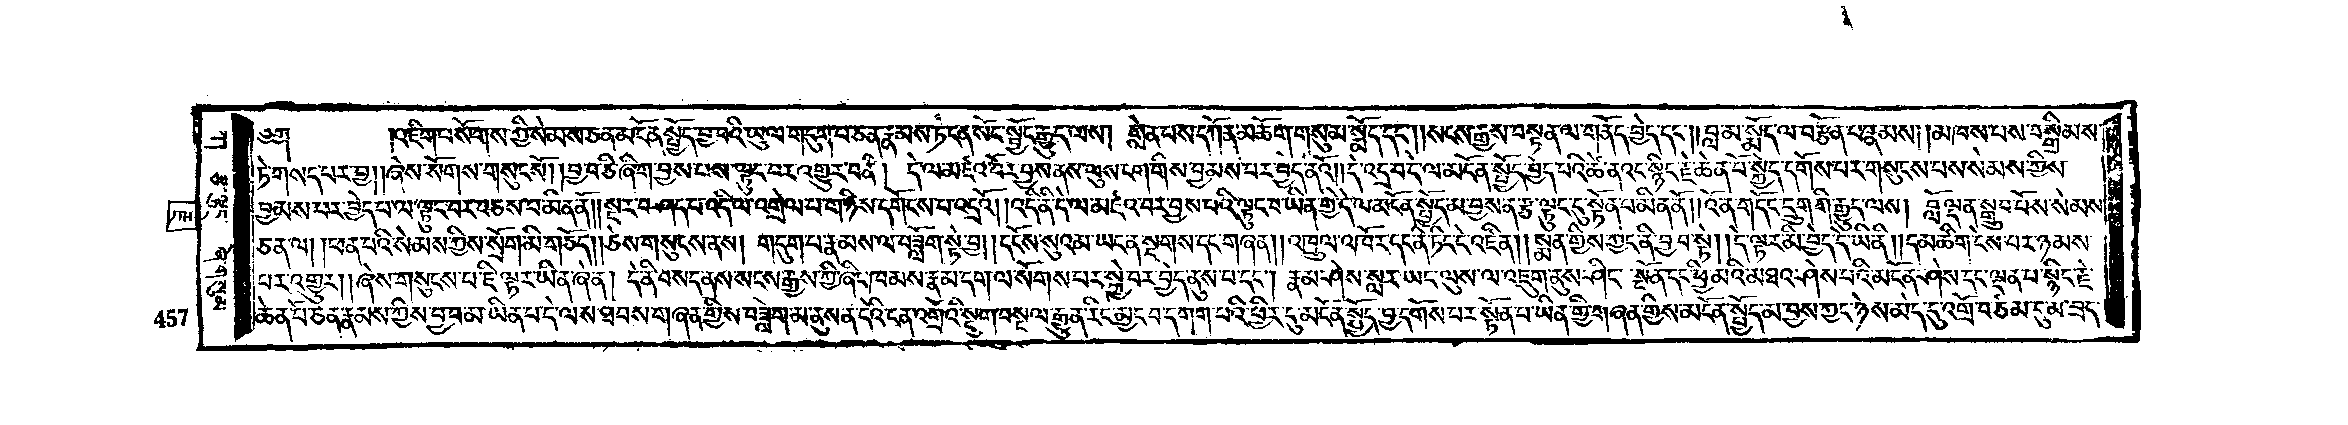༄༅། །འཇིག་པ་སོགས་ཀྱི་སེམས་ཅན་མངོན་སྤྱོད་བྱ་བའི་ཡུལ་གདུག་པ་ཅན་རྣམས་ཏེ་ངན་སོང་སྦྱོང་རྒྱུད་ལས། གླེན་པས་དཀོན་མཆོག་གསུམ་སྨོད་དང་། །སངས་རྒྱས་བསྟན་ལ་གནོད་བྱེད་དང་། །བླ་མ་སྨོད་ལ་བརྩོན་པ་རྣམས། །མཁས་པས་བསྒྲིམས་
ཏེ་གསད་པར་བྱ། །ཞེས་སོགས་གསུངས་སོ། །བྱ་བ་ཅི་ཞིག་བྱས་པས་ལྟུང་བར་འགྱུར་བ་ནི། དེ་ལ་མཛའ་བོར་བྱས་ནས་ལུས་ངག་གིས་བྱམས་པར་བྱེད་ནའོ། །དེ་འདྲ་བ་དེ་ལ་མངོན་སྤྱོད་བྱེད་པའི་ཚེ་ནའང་སྙིང་རྗེ་ཆེན་པོ་སྐྱེད་དགོས་པར་གསུངས་པས་སེམས་ཀྱིས་
བྱམས་པར་བྱེད་པ་ལ་ལྟུང་བར་བཅས་པ་མིན་ནོ། །སྔར་བཤད་པ་འདི་ལ་འགྲེལ་པ་གཉིས་དགོངས་པ་འདྲའོ། །འདི་ནི་དེ་ལ་མཛའ་བར་བྱས་པའི་ལྟུང་བ་ཡིན་གྱི་དེ་ལ་མངོན་སྤྱོད་མ་བྱས་ན་རྩ་ལྟུང་དུ་སྟོན་པ་མིན་ནོ། །འོ་ན་གདོང་དྲུག་གི་རྒྱུད་ལས། བློ་ལྡན་སྒྲུབ་པོས་སེམས་
ཅན་ལ། །ཕན་པའི་སེམས་ཀྱིས་སྲོག་མི་གཅོད། །ཅེས་གསུངས་ནས། གདུག་པ་རྣམས་ལ་བཟློག་སྟེ་བྱ། །དངོས་སུའམ་ཡང་ན་སྔགས་དང་གཞན། །འཁྲུལ་འཁོར་དང་ནི་ཏིང་ངེ་འཛིན། །སྨན་གྱིས་ཀྱང་ནི་བྱ་བ་སྟེ། །དེ་ལྟར་མི་བྱེད་དེ་ཡི་ནི། །དམ་ཚིག་ངེས་པར་ཉམས་
པར་འགྱུར། །ཞེས་གསུངས་པ་ཇི་ལྟར་ཡིན་ཞེ་ན། དེ་ནི་བསད་ནས་སངས་རྒྱས་ཀྱི་ཞིང་ཁམས་རྣམ་དག་ལ་སོགས་པར་སྐྱེ་བར་བྱེད་ནུས་པ་དང་། རྣམ་ཤེས་སླར་ཡང་ལུས་ལ་འཇུག་ནུས་ཤིང་སྔོན་དང་ཕྱི་མའི་མཐའ་ཤེས་པའི་མངོན་ཤེས་དང་ལྡན་པ་སྙིང་རྗེ་
ཆེན་པོ་ཅན་རྣམས་ཀྱིས་བྱ་བ་མ་ཡིན་པ་དེ་ལས་ཐབས་གཞན་གྱིས་བཟློག་མ་ནུས་ན་དེའི་ངན་འགྲོའི་སྡུག་བསྔལ་རྒྱུན་རིང་མྱང་བ་དགག་པའི་ཕྱིར་དུ་མངོན་སྤྱོད་བྱ་དགོས་པར་སྟོན་པ་ཡིན་གྱི་གཞན་གྱིས་མངོན་སྤྱོད་མ་བྱས་ཀྱང་ཉེས་མེད་དུ་འགྲོ་བ་ཙམ་དུ་མ་ཟད་